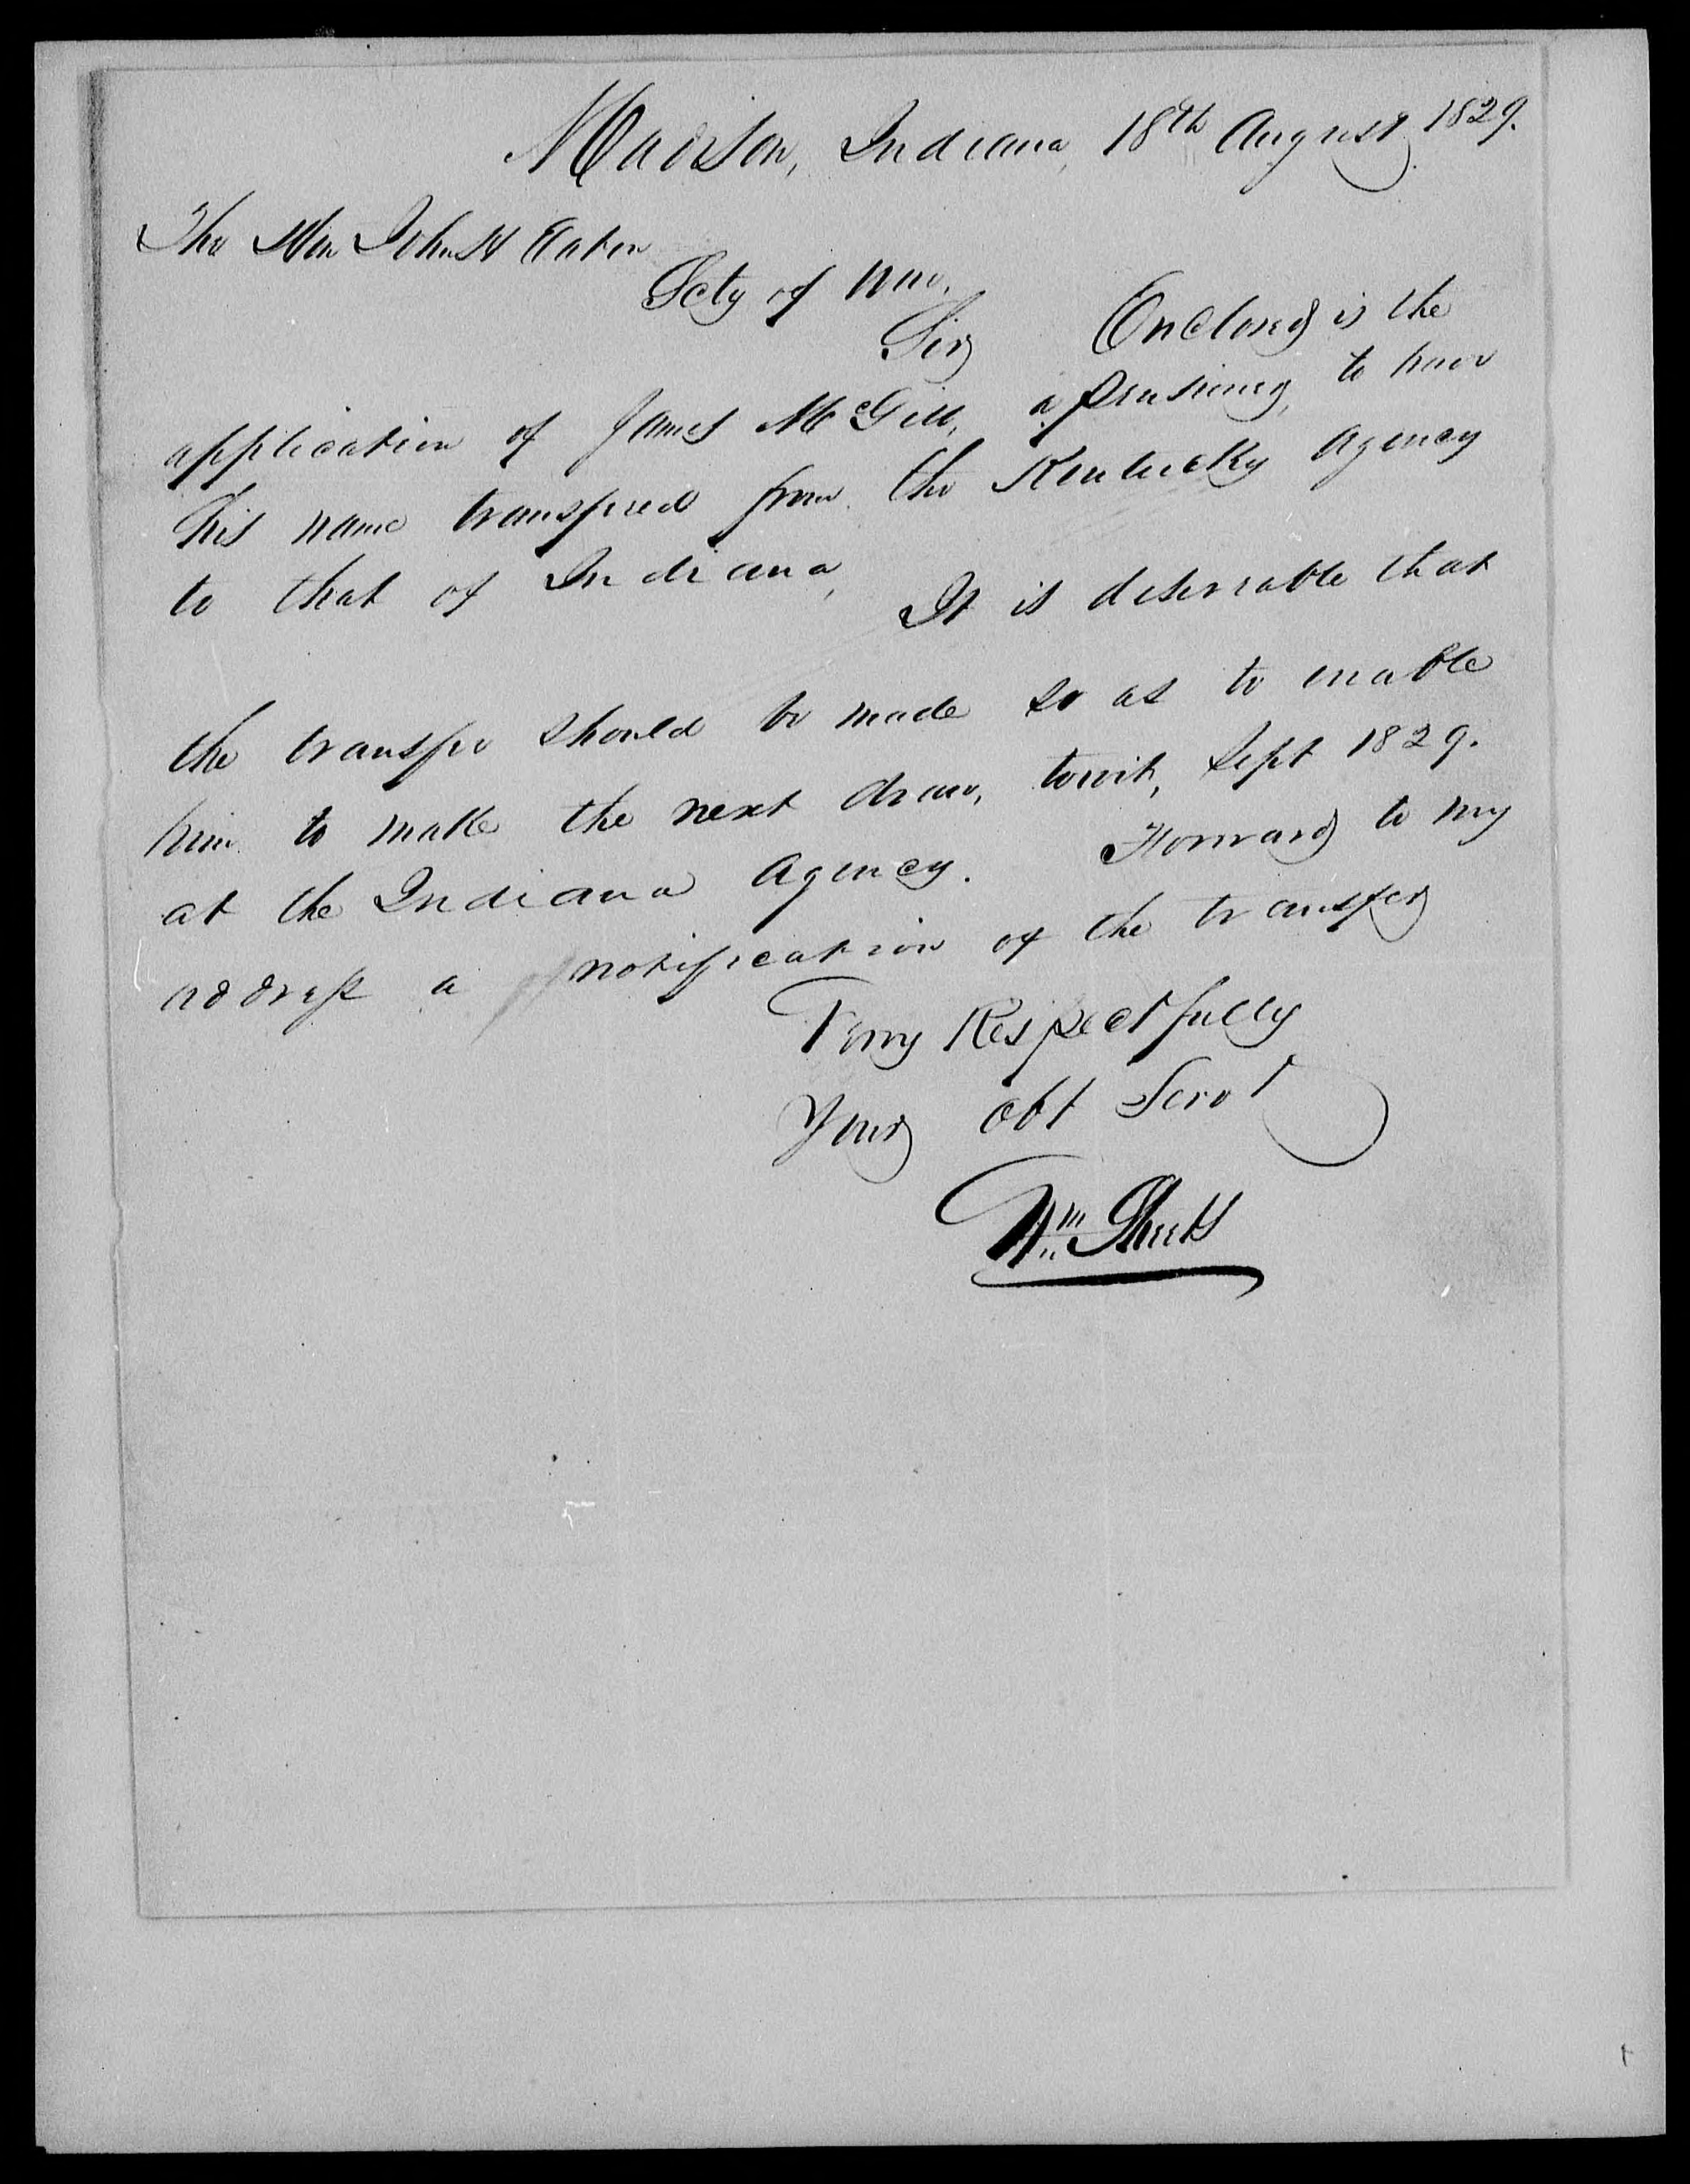Image 89           4160873_00089               
Fold3 File #23857255

Madison, Indiana 18th August 1829
The Hon John H. Eaton  Sct
Sir  Enclosed is the application of James McGill, a pensioner to hear. This name transferred from the Kentucky agency to that of Indiana.  It is desirable that the transfer should be made so as to enable him to make the next draw, to wit, Sept 1829, at the Indiana agency.  Forward to my address a notification of the transfer.  
Very Respectfully Your Obt [Obedient] Servant  Wm [Illegible]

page: 31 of 71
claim: widow's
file: W. 8428, for James Mc Gill, Pennsylvania